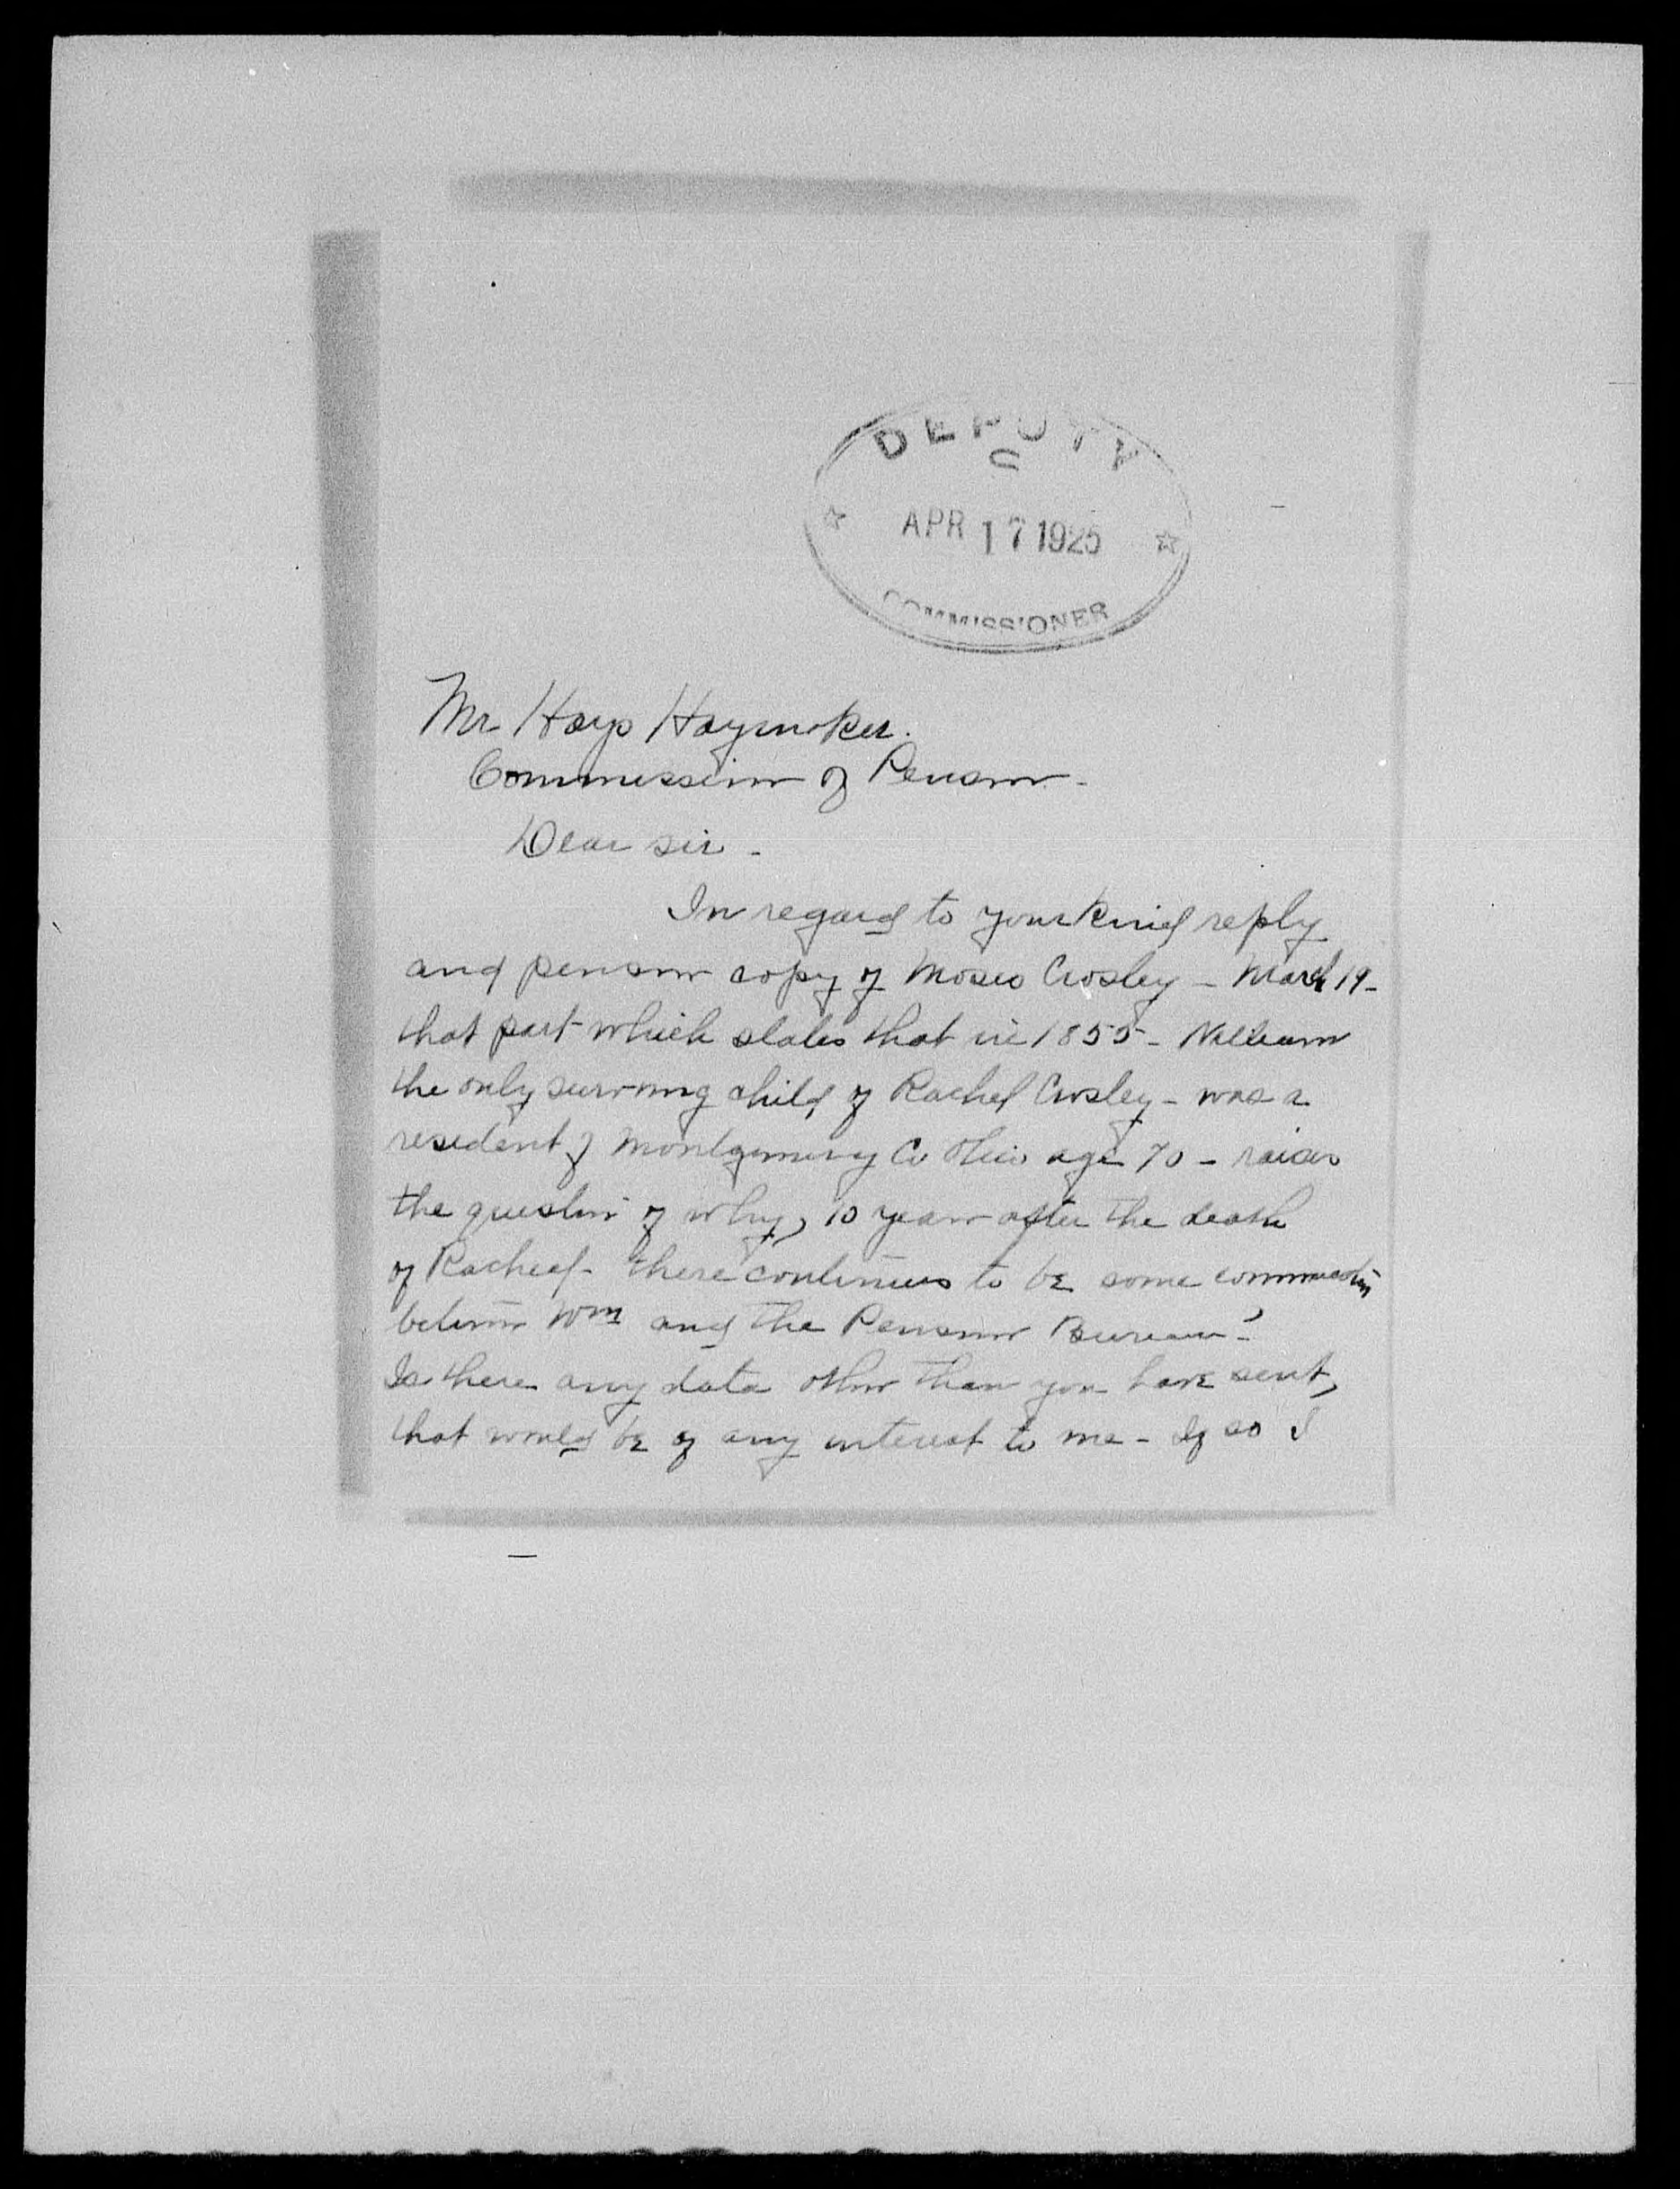(stamp)
Deputy
Commissioner
Apr 17 1925

Mr. Hays Haymaker
Commission of Pension
Dear Sir
In regard to your kind reply
and pension copy of Moses Crosley. Mar 19
that part which states that in 1855. William
the only surviving child of Rachel Crosley - was a
resident of Montgomery Co Ohio aged 70- raises 
the question of why, 10 years after the death
of Rachel there continues to be some communication
between Wm and the Pension Bureau?
Is there any data other than you have sent,
that would be of any interest to me  - If so I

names: Rachel, Wm, Hays Haymaker, Rachel Crosley, Moses Crosley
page: 23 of 37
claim: rejected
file: R. 2516, Moses Crosley, Md.